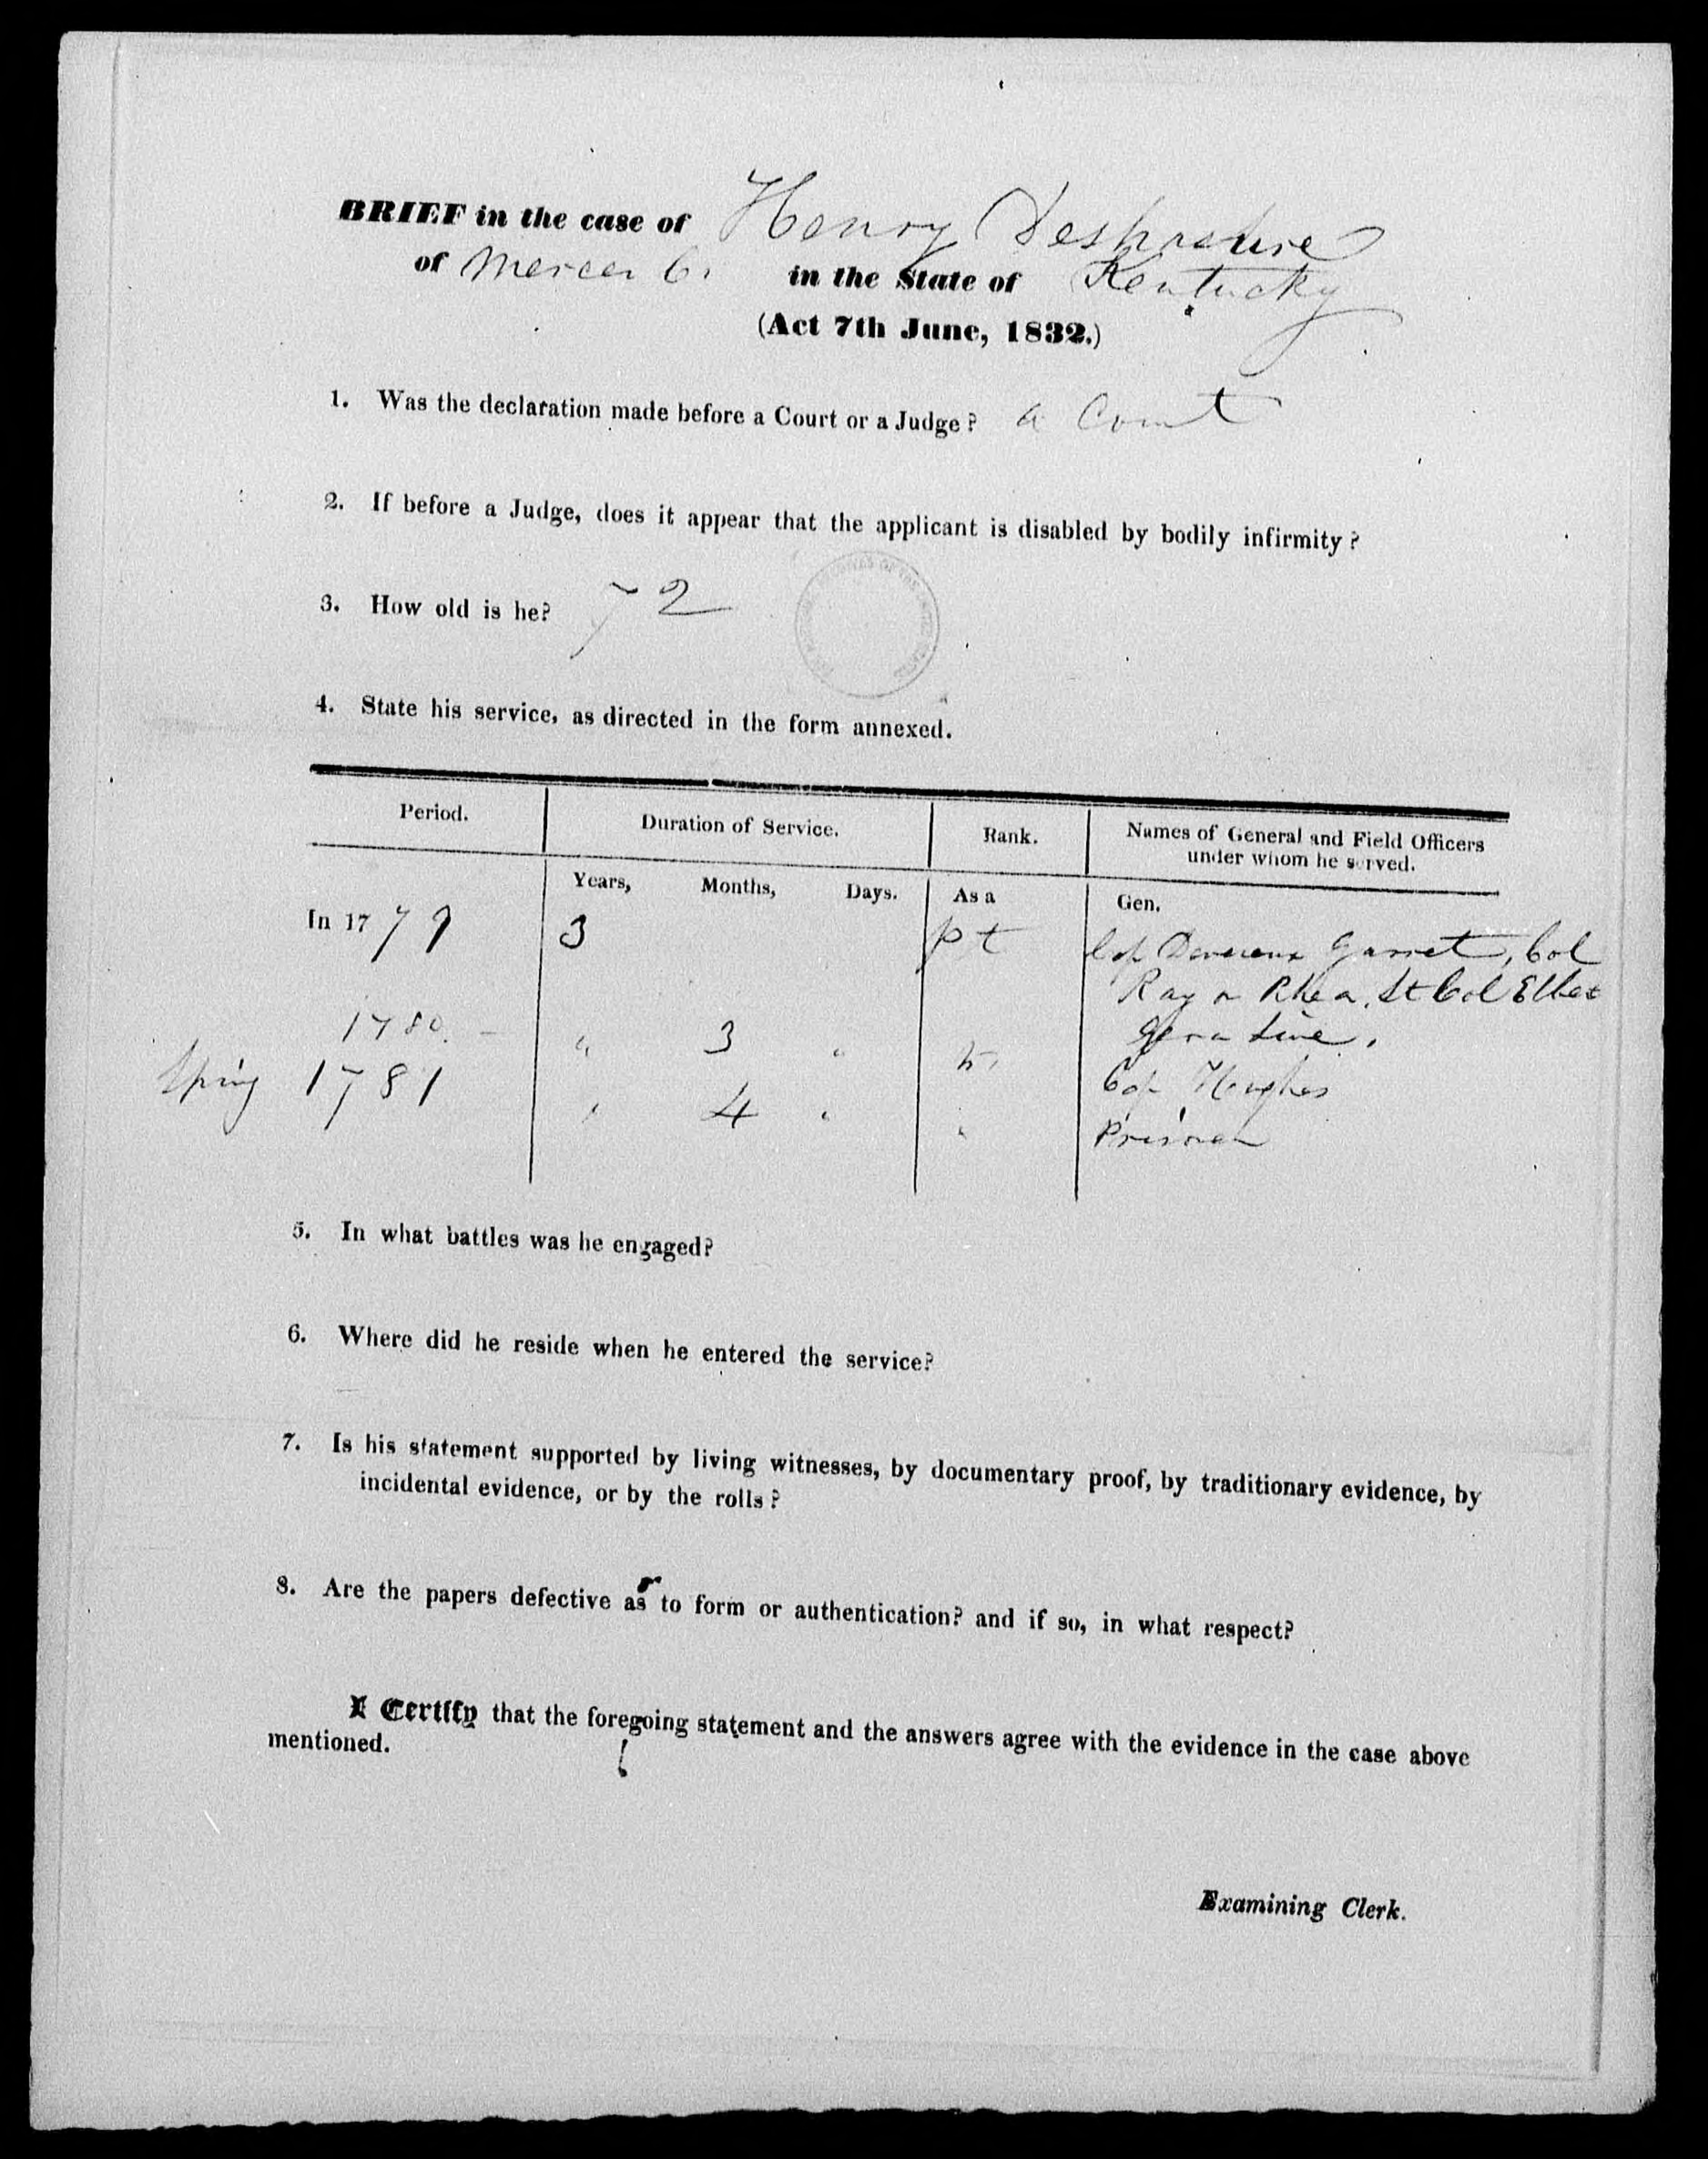BRIEF in the case of Henry Deshasure
of Mercer Co in the State of Kentucky
(Act 7th June, 1832.)

1. Was the declaration made before a Court or a Judge? A Court
2. If before a Judge, does it appear that the applicant is disabled by bodily infirmity?
3. How old is he? 72
4. State his service, as directed in the form annexed.

Period. [Column 1]
In 1779
1780
Spring 1781

Duration of Service. [Column 2]
Years,   Months,    Days.
3
"                3             "
"                4             "

Rank. [Column 3}
As a
pt
pt
"

Names of General and Field Officers
under whom he served. [Column 4]
Gen.
Cap Devereux Garret, Col
Ray or Rhea, Lt Col Elbert
Geradine
Cap Hughes
Prisoner

5. In what battles was he engaged?
6. Where did he reside when he entered the service?
7. Is his statement supported by living witnesses, by documentary proof, by traditionary evidence, by incidental evidence, or by the rolls?
8. Are the papers defective as to form or authentication? and if so, in what respect?

I Certify that the foregoing statement and the answers agree with the evidence in the case above mentioned.
Examining Clerk.

[Next to his handwritten age, there is a stamp which says "The National Archives of the United States"]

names: Henry Deshasure, Ray, Hughes, Devereux Garret, Rhea, Elbet, Prisner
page: 9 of 12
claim: survivor's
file: S. 16,362, Henry Deshasure, Ga. S.C.